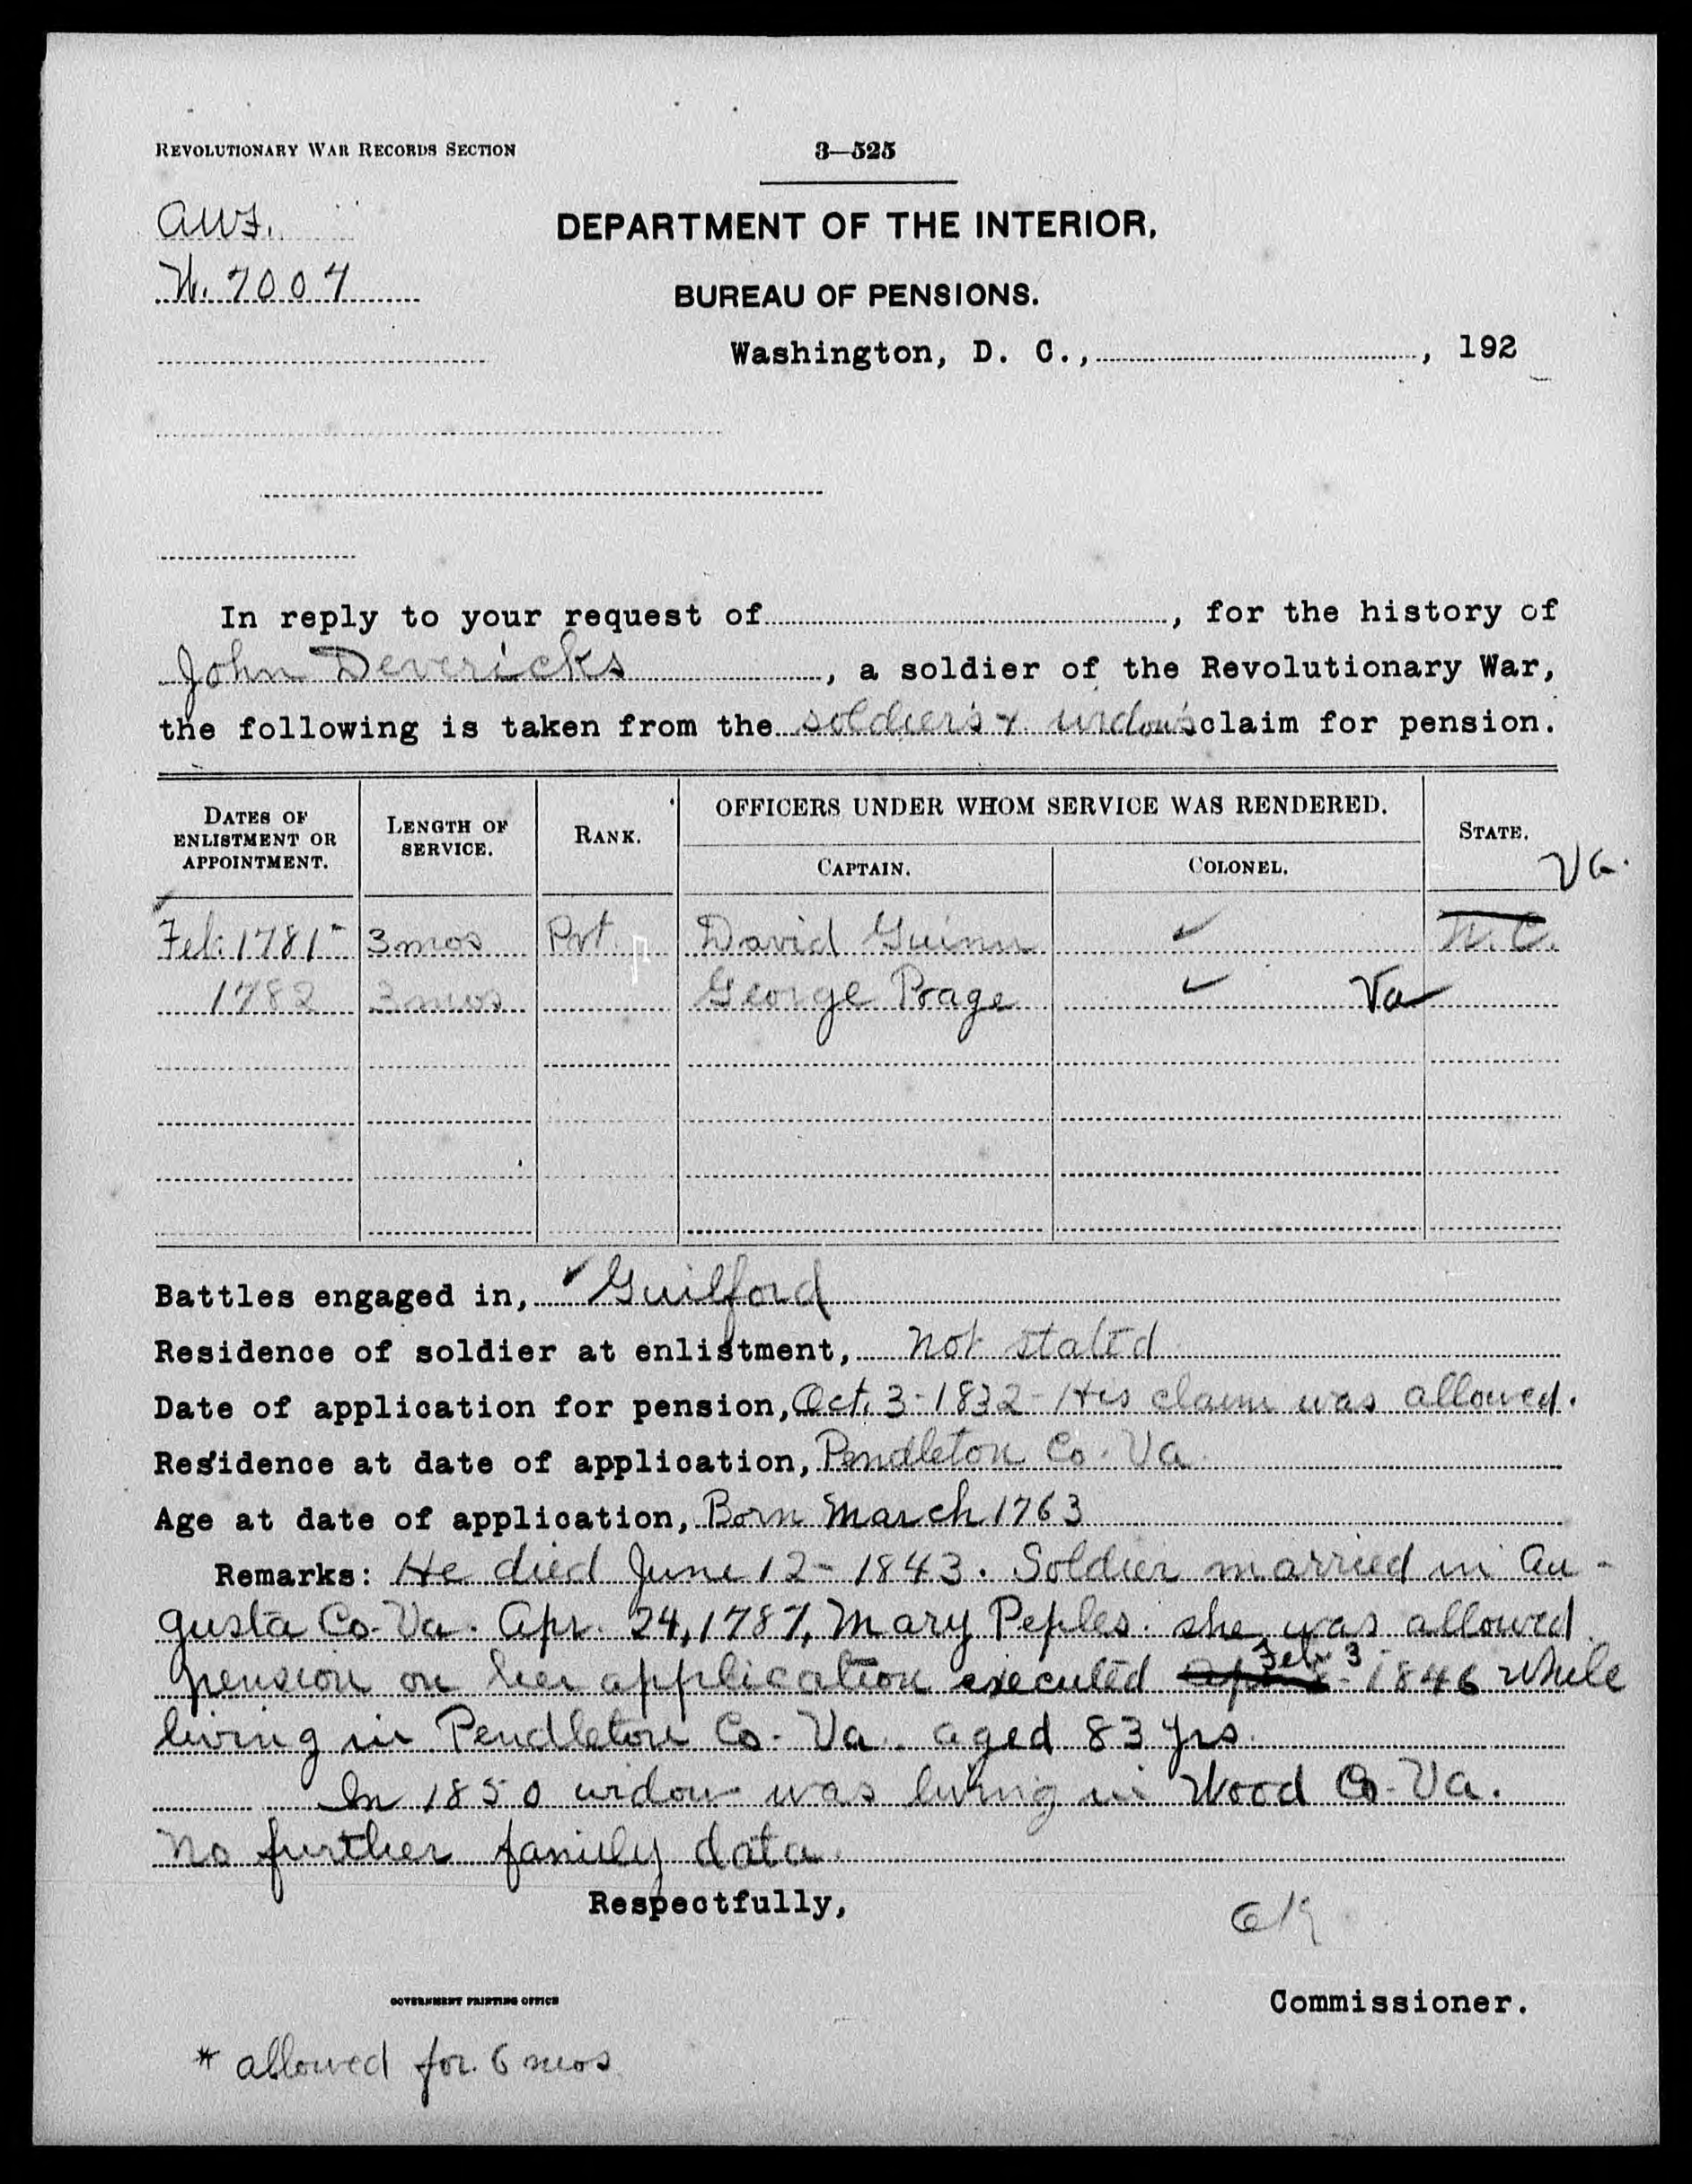Revolutionary War Records Section
AW[illegible]
W. 7007

3 525
Department of the Interior,
Bureau of Pensions.
Washington, D. C. [blank] 192

In reply to your request of [blank], for the history of John Devericks, a soldier of the Revolutionary War, the following is taken from the soldiers' + widows' claim for pension.

Dates of Enlistment or Appointment.
Feb. 1781
1782

Length of Service.
3 mos
3 mos

Rank.
Pvt

Officers Under Whom Service Was Rendered.
Captain.
David Guinn
George Poage
Colonel.
[checkmark]
[checkmark] Va
State.
Va.
W. C.

Battles engaged in, Guilford
Residence of soldier at enlistment, not stated
Date of application for pension, Oct. 3 -1832 - His claim was allowed.
Residence at date of application, Pendleton Co. Va.
Age at date of application, Born March 1763
Remarks: He died June 12 - 1843. Soldier married in Augusta Co. Va. Apr. 24, 1787, Mary Peples. she was allowed pension on her application executed Febr 3 1846 while living in Pendleton Co. Va. aged 83 yrs.
In 1850 widow was living in Wood Co. Va.
No further family data

Respectfully,
CK
Commissioner.

*allowed for 6 mos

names: Mary Peples, John Devericks, David Guinn, George Poage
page: 18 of 35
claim: widow's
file: W 7007, John Devericks, Va.